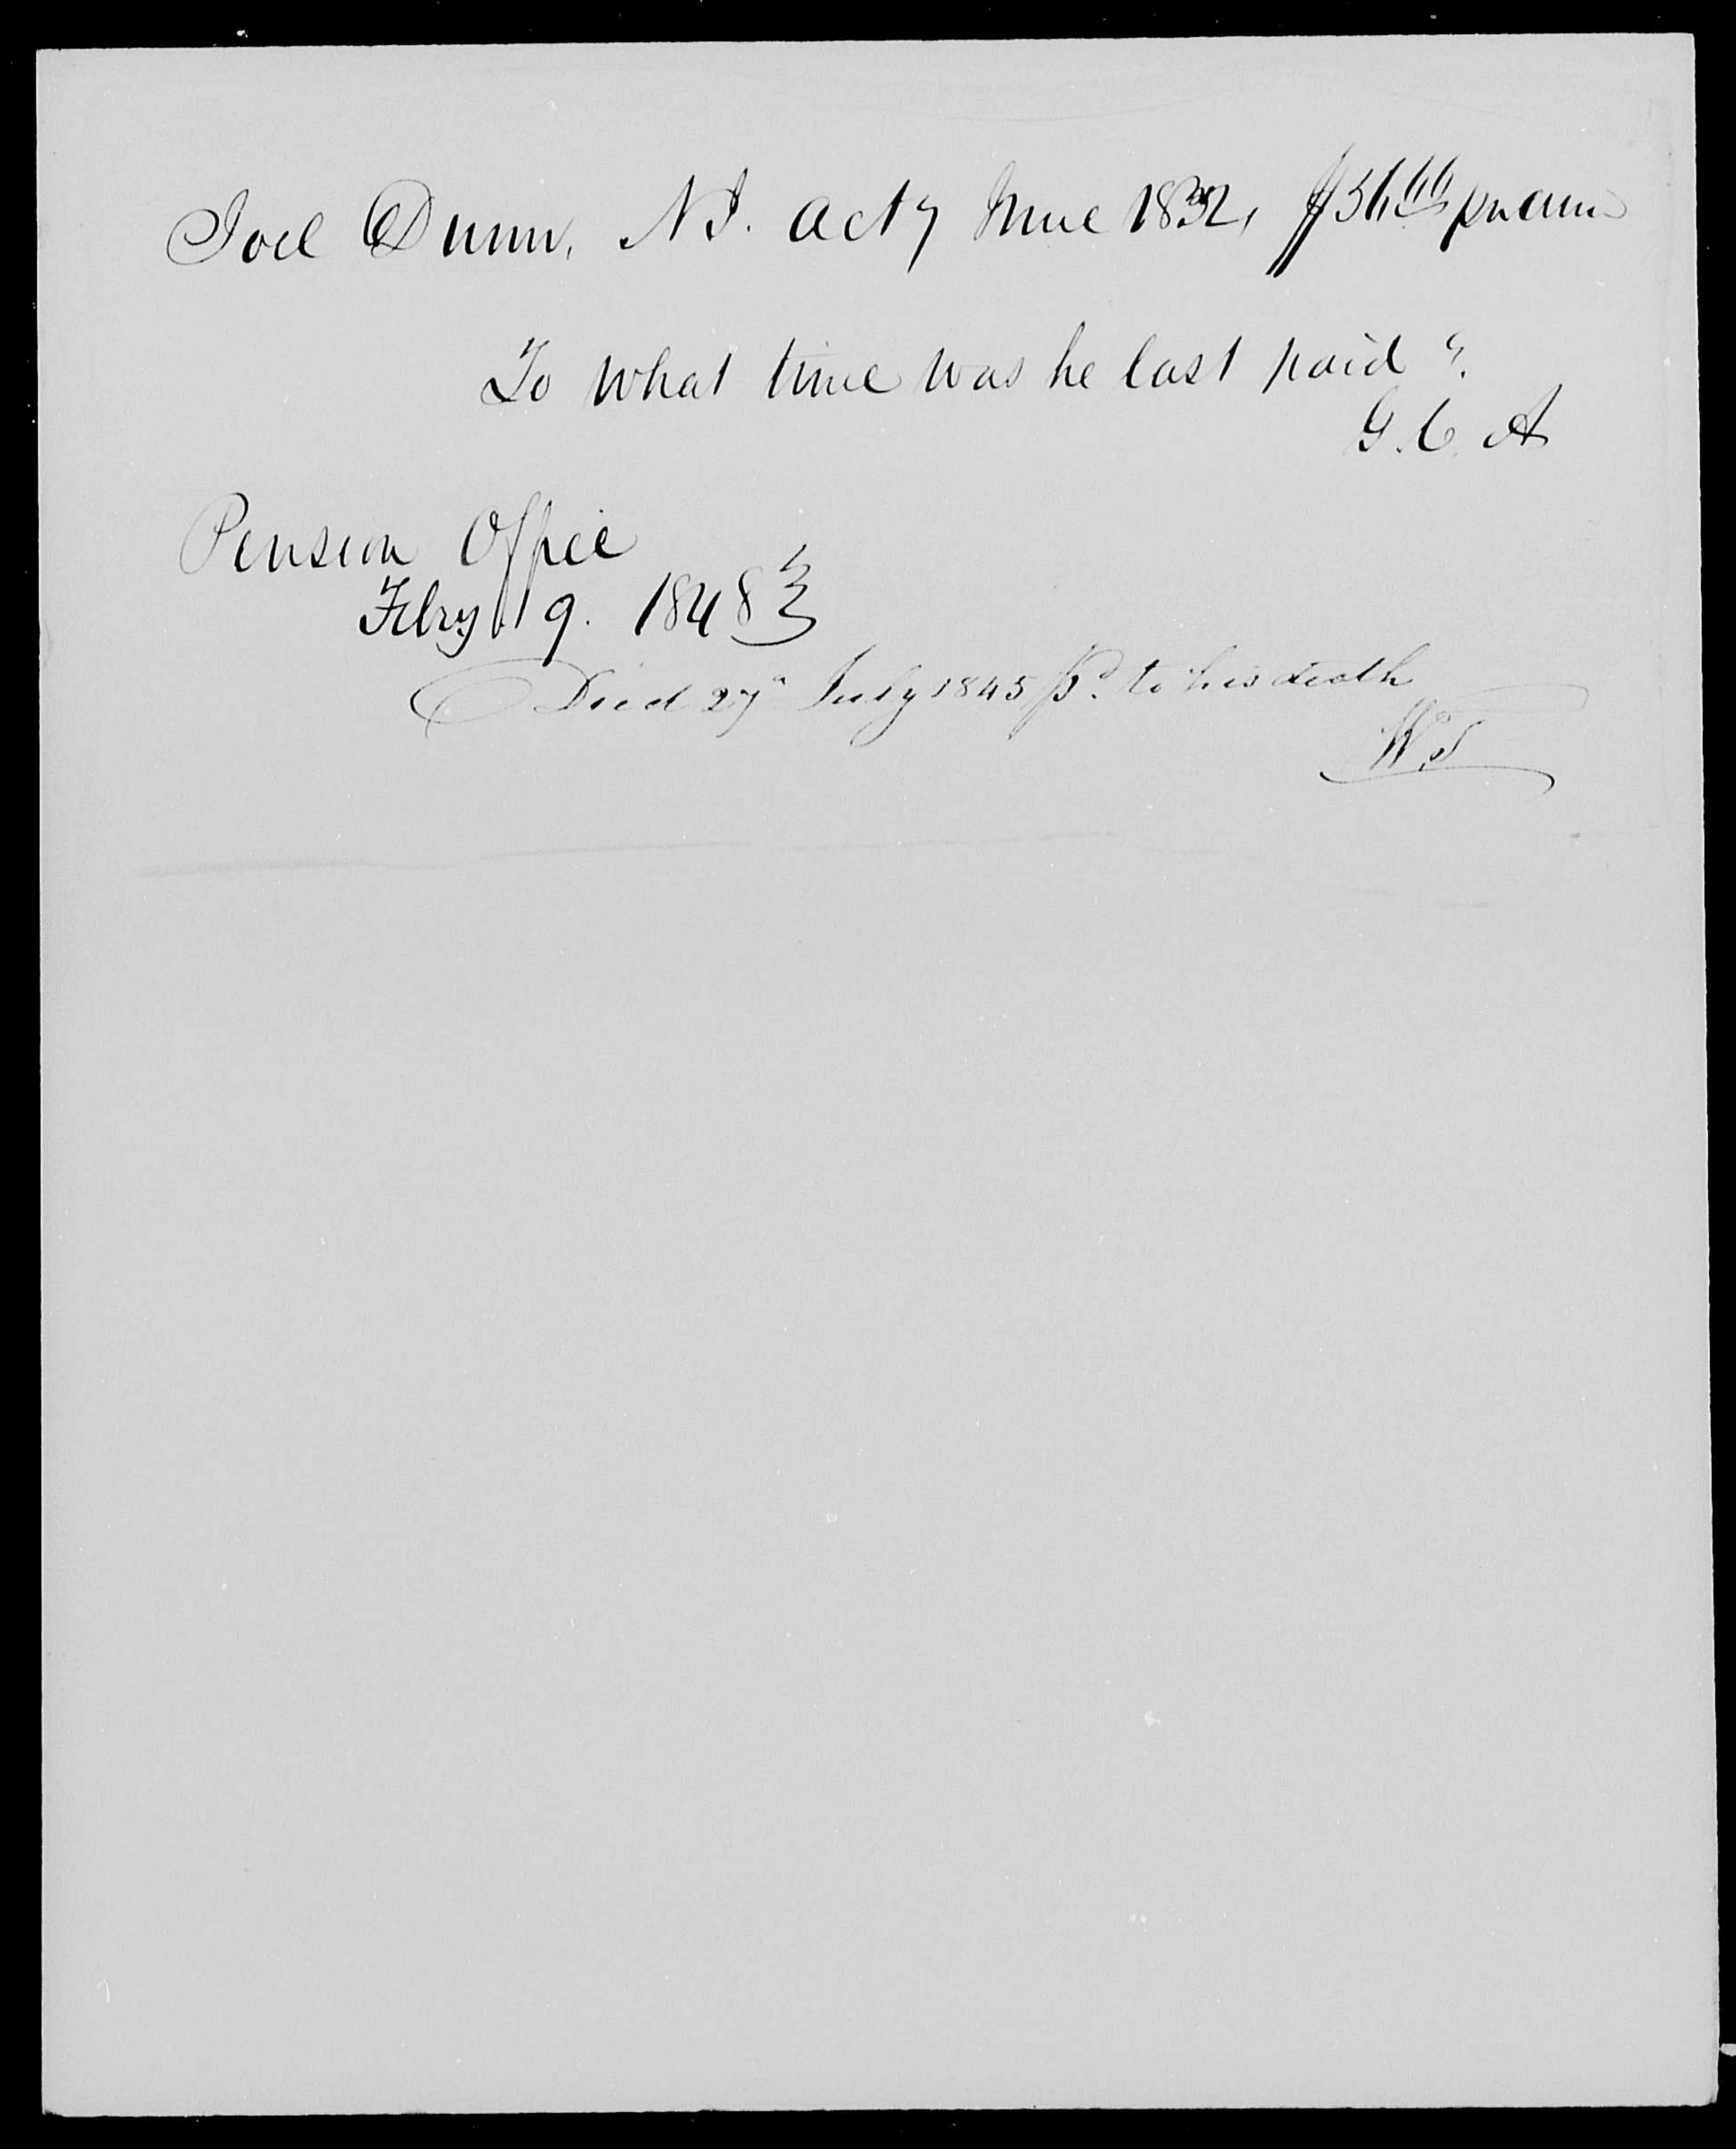Joel Dunn, N. J. Act 7 June 1832, $56 [illegible]
To what time was he last paid?
G. C. A.
Pension Office
Febry 19. 1848
Died 27 July 1845 pd to his death
W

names: Joel Dunn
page: 26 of 52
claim: widow's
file: W. 919, Joel Dunn, New Jersey